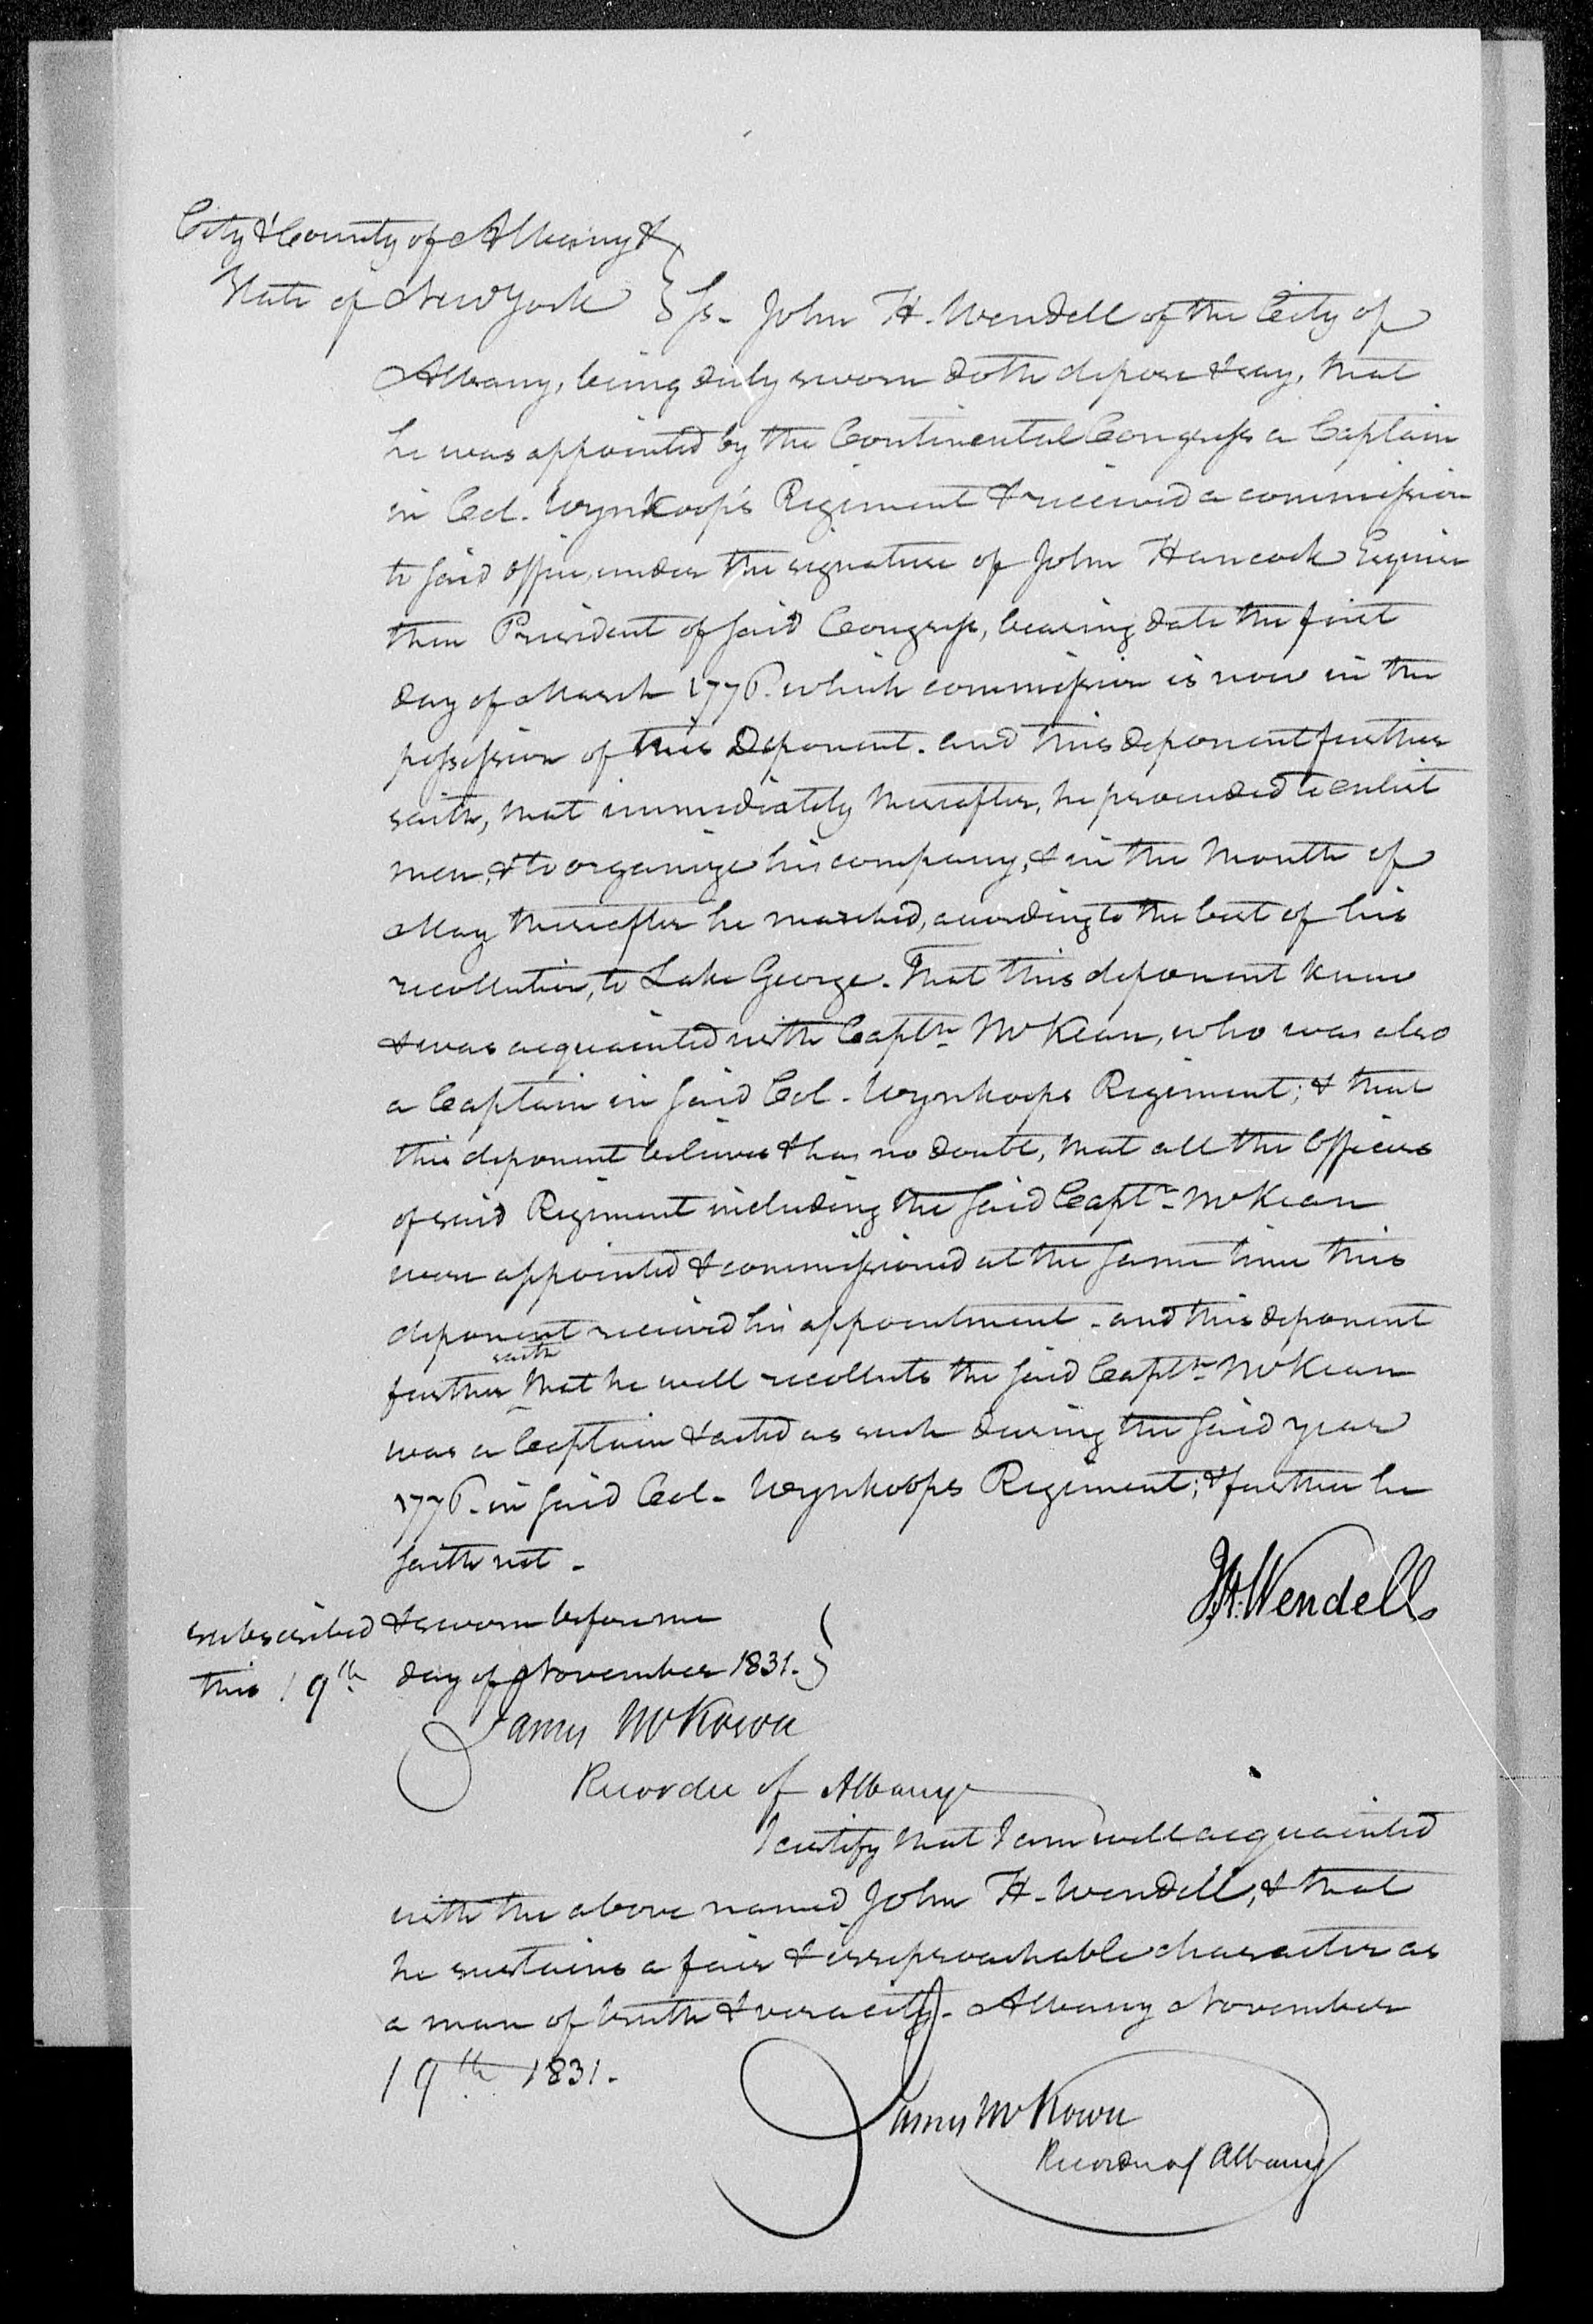City & County of Albany
State of New York }ss. John H. Wendell of the City of Albany, being duly sworn doth depose & say, that he was appointed by the Continental Congress a Captain in Col. Wynkoop's Regiment & received a commission to said office under the signature of John Hancock Esquire then President of said Congress, bearing date the first day of March 1776 which commission is now in the possession of this Deponent. And this deponent further saith that immediately hereafter, he procured an enlistment & to organize his company & in the month of May hereafter he marched according to the best of his recollection to Lake George. That this deponent knew and was acquainted with Capt. McKeen who was also a Captain in said Col. Wynkoop's Regiment & that this deponent believes and has no doubt that all the officers of said Regiment including the said Capt. McKeen were appointed and commissioned at the same time this deponent received his appointment and this deponent further saith that he well recollects the said Capt. McKeen was a Captain and acted as such during the said year 1776 in said Col. Wynkoops Regiment & further he saith not. 
J. H. Wendell
Subscribed and sworn before me
this 19th day of November 1831
James McKown
Recorder of Albany

I certify that I am well acquainted with the above named John H. Wendell & that he sustains a fair and irreproachable character as a man of truth and veracity. Albany November 19th 1831
James McKown 
Recorder of Albany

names: James Mc Kown; John H Wendell; [BLANK] Mc Kean; John Hancock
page: 32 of 40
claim: widow's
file: W. 21876, for Christian Osterman, New York